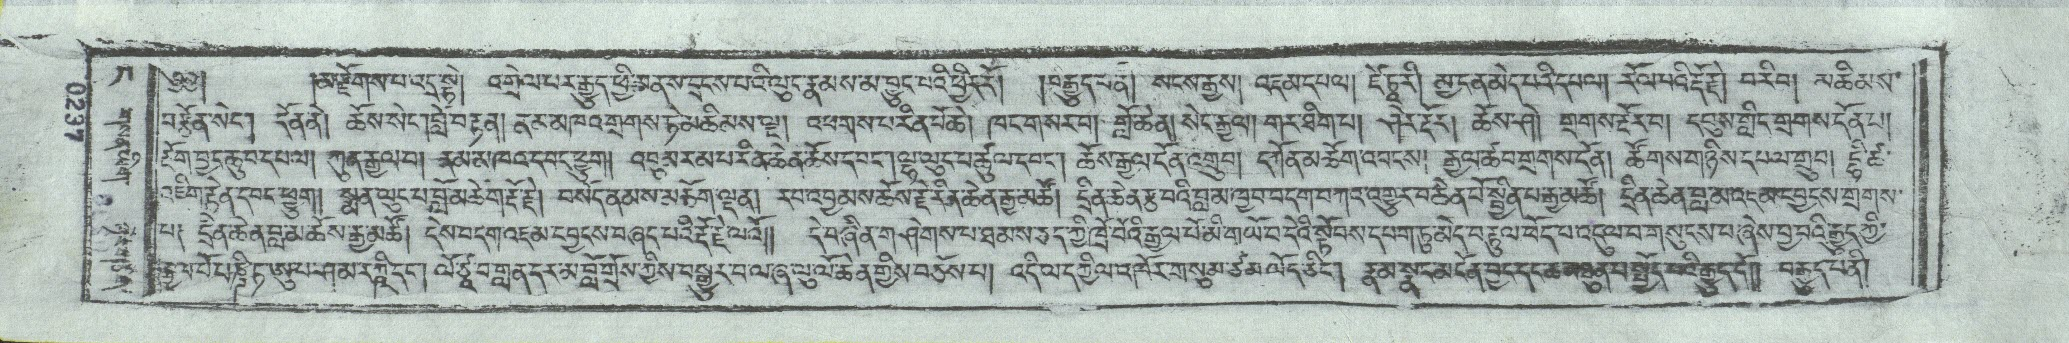༄༅། །བརྫོགས་པ་དང་?། འགྲེལ་པར་རྒྱུད་ཕྱི་མ་ནས་དྲངས་པའི་ལུང་རྣམས་མ་བྱུང་པའི་ཕྱིར་རོ། །བརྒྱུད་པ་ནི། སངས་རྒྱས། འཇམ་དཔལ། ཛེཏཱ་རི། མྱ་ངན་མེད་པའི་དཔལ། རོལ་པའི་རྡོ་རྗེ། བ་རིབ། མཆིམས་
བརྩོན་སེང་། དོན་ནེ། ཆོས་སེང་། བློ་བརྟན། ནམ་མཁའ་འགྲགས་ཏེ་མཆིམས་ལྔ། འཕགས་པ་རིན་པོ་ཆེ། ཁང་གསར་པ། གློ་ཆེན། སེང་རྒྱལ། གར་ཐིག་པ། ཤེར་རྡོར། ཆོས་ཤེ། གྲགས་སྔོར་བ། དབུས་གླིང་གྲགས་དོན་པ།
རྫོག་བྱང་ཆུབ་དཔལ། ཀུན་རྒྱལ་བ། རྣམ་མཁན་དབང་ཕྱུག། འབུམ་རམ་པ་རིན་ཆེན་ཆོས་དབང་། ལྷ་ལུང་པ་ཚུལ་དབང་། ཆོས་རྒྱལ་དོན་འགྲུབ། དཀོན་མཆོག་འབངས། རྒྱལ་ཚབ་གྲགས་དོན། ཚོགས་གཉིས་དཔལ་གྲུབ། དྷི་ཚ་
འཇིག་རྟེན་དབང་ཕྱུག། སྨན་ལུང་པ་བློ་མཆོག་རྡོ་རྗེ། བསོད་ནམས་མཆོག་ལྡན། རབ་འབྱམས་ཆོས་རྗེ་རིན་ཆེན་རྒྱ་མཚོ། དྲིན་ཆེན་རྩ་བའི་བླ་མ་ཁྱབ་བདག་བཀའ་འགྱུར་བ་ཆེན་པོ་སྦྱིན་པ་རྒྱ་མཚོ། དྲིན་ཆེན་བླ་མ་འཇམ་དབྱངས་གྲགས་
པ༑ དྲིན་ཆེན་བླ་མ་ཆོས་རྒྱ་མཚོ། དེས་བདག་འཇམ་དབྱངས་བཞད་པའི་རྡོ་རྗེ་ལའོ།། དེ་བཞིན་གཤེགས་པ་ཐམས་ཅད་ཀྱི་ཁྲོ་བོའི་རྒྱལ་པོ་མི་གཡོ་བ་དེའི་སྟོབས་དཔག་ཏུ་མེད་པ་རྟུལ་ཕོད་པ་འདུལ་བ་གསུངས་པ་ཞེས་བྱ་བའི་རྒྱུད་ཀྱི་
རྒྱལ་པོ་པཎྜི་ཏ་མུ་པ་ཤ་མར་ཀྵྀ་དང་། ལོ་ཙཱ་བ་གླན་དར་མ་བློ་གྲོས་ཀྱིས་བསྒྱུར་བ་ལ་ཞ་ལུ་ལོ་ཆེན་གྱིས་བཅོས་པ། འདི་ལ་དཀྱིལ་འཁོར་གསུམ་ཙམ་ཡོད་ཅིང་། རྣམ་སྣང་མངོན་བྱང་དང་ཆ་མཐུན་པ་སྤྱོད་པའི་རྒྱུད་དོ། བརྒྱུད་པ་ནི།